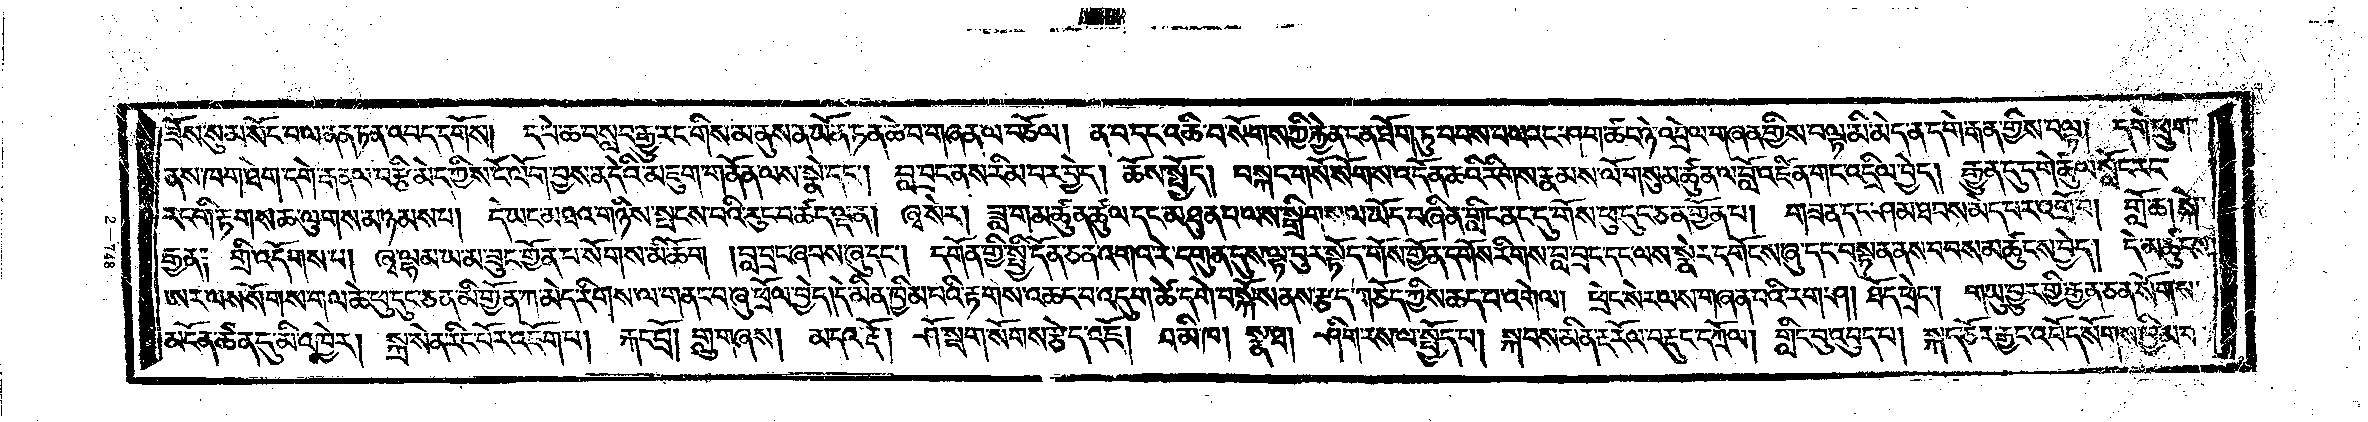ཟོས་སུ་མ་སོང་བ་ནན་ཏན་འབད་དགོས། དཔེ་ཆ་བསླབ་རྒྱུ་རང་གིས་མ་ནུས་ན་ཡོན་ཏན་ཆེ་བ་གཞན་ལ་བཅོལ། ན་བ་དང་འཆི་བ་སོགས་ཀྱི་རྐྱེན་ངན་ཐོག་ཏུ་བབས་པ་ལའང་ཤག་ཚང་ཉེ་འབྲེལ་གཞན་གྱིས་བལྟ་མི་མེད་ན་དགེ་རྒན་གྱིས་བལྟ། དགེ་ཕྲུག་
ནས་ཁག་ཐེག་དགེ་རྒན་ལ་བརྩི་མེད་ཀྱིས་ངོ་ལོག་བྱས་ན་དེའི་མཇུག་གནོན་ལས་སྣེ་དང་། བླ་བྲང་ནས་རིམ་པར་བྱེད། །ཆོས་སྤྱོད། བསྐང་གསོ་སོགས་འདོན་ཆའི་རིགས་རྣམས་ལོ་གསུམ་ཚུན་ལ་བློ་འཛིན་གང་འདྲིལ་བྱེད། རྒྱུན་དུ་དགེ་ཚུལ་སློང་རང་
རང་གི་རྟགས་ཆ་ལུགས་མཉམས་པ། དེ་ཡང་མཐའ་གཉིས་སྤངས་པའི་རུང་བ་ཚད་ལྡན། ཞྭ་སེར། ཟླ་ག་མཚུན་ཚུལ་དང་མཐུན་པ་ལས་སྒྲིགས་ལ་ཡོད་བཞིན་གླིང་ནང་དུ་གོས་ཕུ་དུང་ཅན་གྱོན་པ། གཟན་དང་ཤམ་ཐབས་མེད་པར་འགྲོ་བ། གློ་ཆ། སྐེ་
རྒྱན༑ གྲི་འདོགས་པ། ཞྭ་ལྷམ་ཡ་མ་ཟུང་གྱོན་པ་སོགས་མི་ཆོག །བླ་བྲང་ཞབས་ཞུ་དང་། དགོན་གྱི་སྤྱི་དོན་ཅན་འགའ་རེ་དགུན་དུས་ལྟ་བུར་སྟོད་གོས་གྱོན་དགོས་རིགས་བླ་བྲང་དང་ལས་སྣེར་དགོངས་ཞུ་དང་བསྟན་ནས་བསམ་མཚུངས་བྱེད། དེ་མཚུངས་
ཨར་ལས་སོགས་གལ་ཆེ་ཕུ་དུང་ཅན་མི་གྱོན་ཀ་མེད་རིགས་ལ་གནང་བ་ཞུ་ཕྲོལ་བྱེད། དེ་མིན་ཁྱིམ་པའི་རྟགས་འཆད་བ་འདུག་ཚེ་དགེ་བསྐོས་ནས་རྩད་གཅོད་ཀྱིས་ཆད་པ་འགྲེལ། ཕྲེང་སེར་ལས་གཞན་པའི་རག་ཤ། ཐོད་ཕྲེང་། གཡུ་བྱུར་གྱི་རྒྱན་ཅན་སོགས་
མངོན་ཚན་དུ་མི་འཁྱེར། སྐྲ་སེན་རིང་པོར་འཇོག་པ། རྐང་བྲོ། ཀླུ་གཞས། མདའ་རྡོ། ཤ་སྤག་སོགས་རྩེད་འཇོ། ཐ་མི་ཁ། སྣ་ཐ། ཤིག་རས་ལ་སྤྱོད་པ། སྐབས་མིན་རྔ་རོལ་བརྡུང་བཀྲོལ། གླིང་བུ་འབུད་པ། སྐད་ཅོར་རྒྱང་འབོད་སོགས་བྱིམ་པ་